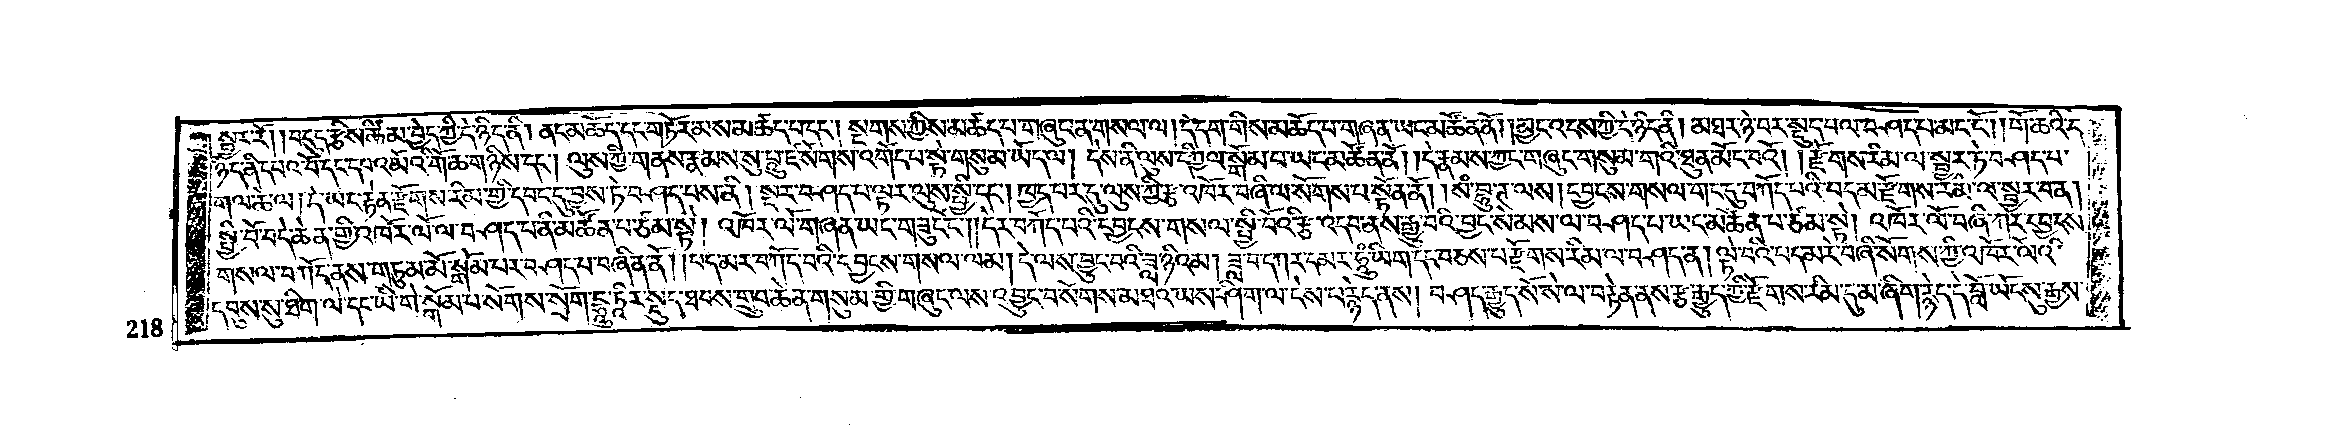སྦྱར་རོ། །བདུད་རྩིས་ཚིམ་བྱེད་ཀྱི་དེ་ཉིད་ནི། ནང་མཆོད་དང་གཏོར་མས་མཆོད་པ་དང་། སྔགས་ཀྱིས་མཆོད་པ་གཞུང་ན་གསལ་ལ། དེ་དག་གིས་མཆོད་པ་གཞན་ཡང་མཚོན་ནོ། །མྱང་འདས་ཀྱི་དེ་ཉིད་ནི། མཐར་ཉེ་བར་སྡུད་པ་ལ་བཤད་པ་མང་ངོ། །གོ་ཆའི་དེ་
ཉིད་ནི་དཔའ་བོ་དང་དཔའ་བོའི་གོ་ཆ་གཉིས་དང་། ལུས་ཀྱི་གནས་རྣམས་སུ་པཱུ་ཛ་སོགས་འགོད་པ་སྟེ་གསུམ་ཡོད་ལ། དེས་ནི་ལུས་དཀྱིལ་སྒོམ་པ་ཡང་མཚོན་ནོ། །དེ་རྣམས་ཀྱང་གཞུང་གསུམ་གའི་ཐུན་མོང་བའོ། །རྫོགས་རིམ་ལ་སྦྱར་ཏེ་བཤད་པ་
གལ་ཆེ་ལ། དེ་ཡང་རྟེན་རྫོགས་རིམ་གྱི་དབང་དུ་བྱས་ཏེ་བཤད་པས་ནི། སྔར་བཤད་པ་ལྟར་ལུས་སྤྱི་དང་། ཁྱད་པར་དུ་ལུས་ཀྱི་རྩ་འཁོར་བཞི་ལ་སོགས་པ་སྟོན་ནོ། །སཾ་བྷུ་ཊ་ལས། དབྱངས་གསལ་གང་དུ་བཀོད་པའི་པད་མ་རྫོགས་རིམ་ལ་སྦྱར་བ་ན།
སྤྱི་བོ་བདེ་ཆེན་གྱི་འཁོར་ལོ་ལ་བཤད་པ་ནི་མཚོན་པ་ཙམ་སྟེ། འཁོར་ལོ་གཞན་ཡང་གཟུང་ངོ། །དེར་བཀོད་པའི་དབྱངས་གསལ་སྤྱི་བོའི་རྩ་འདབ་ནས་རྒྱུ་བའི་བྱང་སེམས་ལ་བཤད་པ་ཡང་མཚོན་པ་ཙམ་སྟེ། འཁོར་ལོ་བཞི་ཀར་དབྱངས་
གསལ་བཀོད་ནས་གཏུམ་མོ་སྒོམ་པར་བཤད་པ་བཞིན་ནོ། །པད་མར་བཀོད་པའི་དབྱངས་གསལ་ལམ། དེ་ལས་བྱུང་བའི་ཟླ་ཉིའམ། ཟླ་བ་དཀར་དམར་ཧཱུཾ་ཡིག་དང་བཅས་པ་རྫོགས་རིམ་ལ་བཤད་ན། ལྟེ་བའི་པད་མ་རེ་བཞི་སོགས་ཀྱི་འཁོར་ལོའི་
དབུས་སུ་ཐིག་ལེ་དང་ཡི་གེ་སྒོམ་པ་སོགས་སྲོག་དྷཱུ་ཏཱིར་སྡུད་ཐབས་གྲུབ་ཆེན་གསུམ་གྱི་གཞུང་ལས་འབྱུང་བ་སོགས་མཐའ་ཡས་ཤིག་ལ་ངེས་པ་རྙེད་ནས། བཤད་རྒྱུད་སོ་སེ་ལ་བརྟེན་ནས་རྩ་རྒྱུད་ཀྱི་རྫོགས་རིམ་དུ་མ་ཞིག་རྙེད་དེ་བློ་ཡོངས་སུ་རྒྱས་